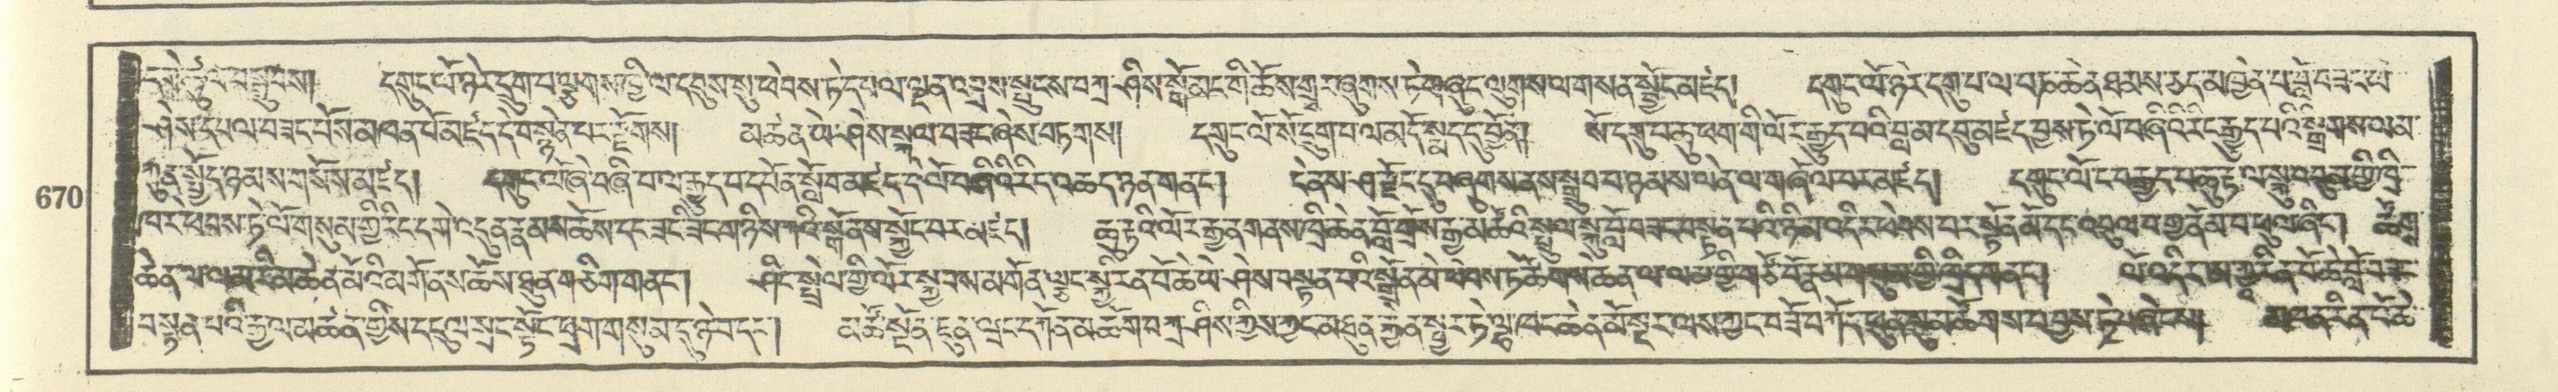དགེ་ཚུལ་བསྒྲུབས། དགུང་ལོ་ཉེར་དྲུག་པ་ལྕགས་ཁྱི་ལ་དབུས་སུ་ཕེབས་ཏེ་དཔལ་ལྡན་འབྲས་སྤུངས་བཀྲ་ཤིས་སྒོ་མང་གི་ཆོས་གྲྭར་ཞུགས་ཏེ་གཞུང་ལུགས་ལ་གསན་སྦྱོང་མཛད། དགུང་ལོ་ཉེར་དགུ་པ་ལ་པཎ་ཆེན་ཐམས་ཅད་མཁྱེན་པ་བློ་བཟང་ཡེ་
ཤེས་དཔལ་བཟང་པོས་མཁན་པོ་མཛད་དེ་བསྙེན་པར་རྫོགས། མཚན་ཡེ་ཤེས་སྐལ་བཟང་ཞེས་བཏགས། དགུང་ལོ་སོ་དྲུག་པ་ལ་མདོ་སྨད་དུ་བྱོན། སོ་དགུ་པ་ཆུ་ཕག་གི་ལོར་རྒྱུད་པའི་བླ་མ་དབུ་མཛད་བྱས་ཏེ་ལོ་བཞིའི་རིང་རྒྱུད་པའི་སྒྲིགས་ལམ་
ཀུན་སྤྱོད་ཉམས་གསོས་མཛད། དགུང་ལོ་ཞེ་བཞི་པ་ལ་རྒྱུད་པ་དཔོན་སློབ་མཛད་དེ་ལོ་བཞིའི་རིད་འཆད་ཉན་གནང་། དེ་ནས་ཤ་རྫོང་དུ་བཞུགས་ནས་སྒྲུབ་པ་ཉམས་ལེན་ལ་གཞོལ་བར་མཛད། དགུང་ལོ་ང་བརྒྱད་པ་ཆུ་རྟ་ལ་སྐུ་འབུམ་གྱི་ཁྲི་
ཁར་ཕེབས་ཏེ་ལོ་གསུམ་གྱི་རིང་དགེ་འདུན་རྣམས་ཆོས་དང་ཟང་ཟིང་གཉིས་ཀའི་སྒོ་ནས་སྐྱོང་བར་མཛད། ཆུ་རྟའི་ལོར་རྒྱ་ནག་ནས་ཁྲི་ཆེན་བློ་གྲོས་རྒྱ་མཚོའི་སྤྲུལ་སྐུ་བློ་བཟང་བསྟན་པའི་ཉི་མ་འདིར་ཕེབས་པར་སྟོན་མོ་དང་འབུལ་བ་གྱ་ནོམ་པ་ཕུལ་ཞིང་། ཚོགས་
ཆེན་ལ་ལམ་རིན་ཆེན་མོའི་མགོ་ནས་ཆོས་ཐུན་གཅིག་གནང་། ཤིང་སྤྲེལ་གྱི་ལོར་སྐྱབས་མགོན་ལྕང་སྐྱ་རིན་པོ་ཆེ་ཡེ་ཤེས་བསྟན་པའི་སྒྲོན་མེ་ཕེབས་ཏེ་ཚོགས་ཆེན་ལ་ལམ་གྱི་གཙོ་བོ་རྣམ་གསུམ་གྱི་ཁྲིད་གནང་། ལོ་འདིར་ཨ་ཀྱཱ་རིན་པོ་ཆེ་བློ་བཟང་
བསྟན་པའི་རྒྱལ་མཚན་གྱིས་དངུལ་སྲང་སྟོང་ཕྲག་གསུམ་དུ་ཉེ་བ་དང་། མཚོ་སྔོན་ཇུན་ཝང་དཀོན་མཆོག་བཀྲ་ཤིས་ཀྱིས་ཀྱང་མཐུན་རྐྱེན་སྦྱར་ཏེ་ལྷ་ཁང་ཆེན་མོ་སྔར་ལས་ཀྱང་བཟོ་བཀོད་ཕུན་སུམ་ཚོགས་པ་བྱས་ཏེ་བཞེངས། མཁན་རིན་པོ་ཆེ་